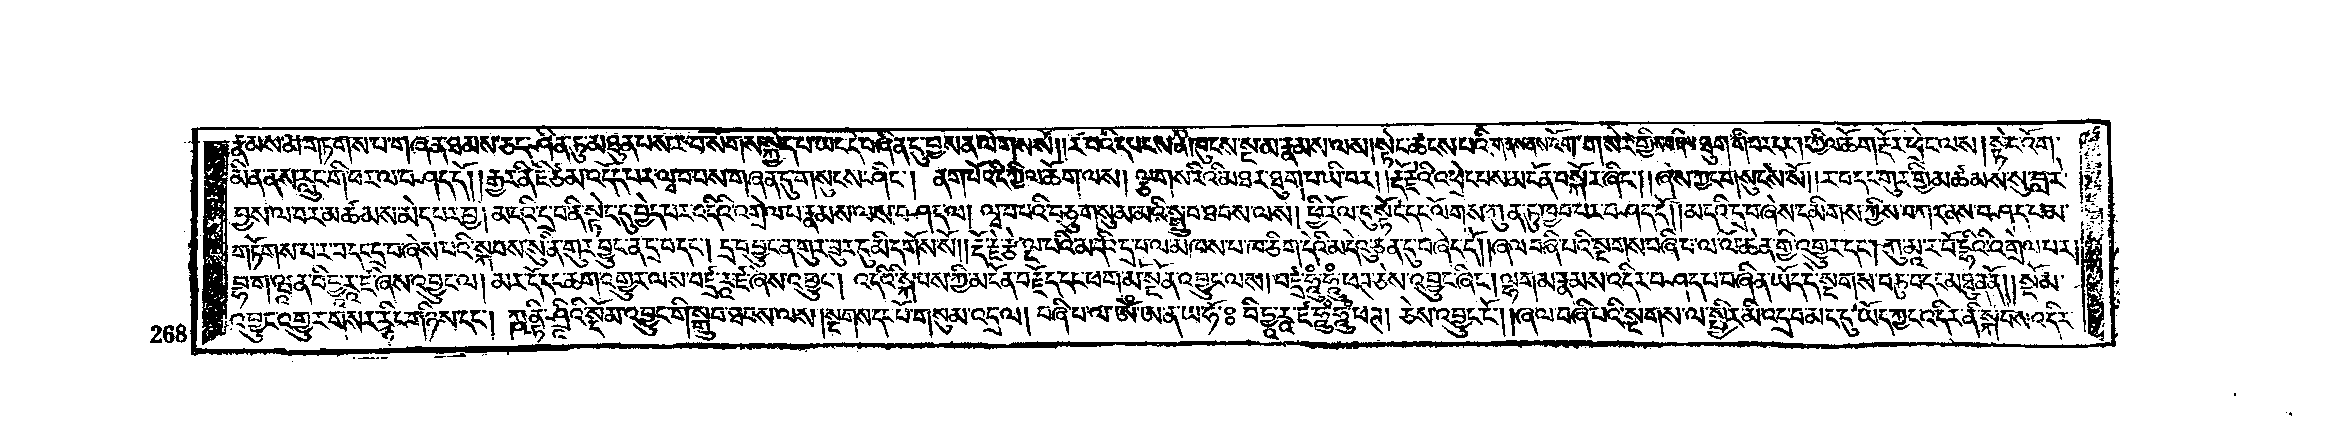རྣམས་མ་གཏོགས་པ་གཞན་ཐམས་ཅད་ཤིན་ཏུ་མཐུན་པས་ར་བ་སོགས་སྐྱེད་པ་ཡང་དེ་བཞིན་དུ་བྱས་ན་ལེགས་སོ། །ར་བའི་དཔངས་ནི་ཁུངས་སྔ་མ་རྣམས་ལས། སྟེང་ཚངས་པའི་གནས་ནས་འོག་གསེར་གྱིས་གཞི་ལ་ཐུག་གི་བར་དང་། དཀྱིལ་ཆོག་རྡོར་ཕྲེང་ལས། སྟེང་འོག་
མིན་ནས་རླུང་གི་བར་ལ་བཤད་དོ། །རྒྱར་ནི་ཇི་ཙམ་འདོད་པར་ལྭ་བ་པས་གཞན་དུ་གསུངས་ཤིང་། ནག་པོའི་དཀྱིལ་ཆོག་ལས། ལྕགས་རིའི་མཐར་ཐུག་པ་ཡི་བར། །རྡོ་རྗེའི་འཕྲེང་བས་མངོན་བསྐོར་ཞིང་། །ཞེས་ཀྱང་གསུངས་སོ། །ར་བ་དང་གུར་གྱི་མཚམས་སུ་བླ་རེ་
བྱས་ལ་བར་མཚམས་མེད་པར་བྱ། མདའི་དྲ་བ་ནི་སྟེང་དུ་བྱེད་པར་འདིའི་འགྲེལ་པ་རྣམས་ལས་བཤད་ལ། ལྭ་བ་པའི་བཅུ་གསུམ་མའི་སྒྲུབ་ཐབས་ལས། ཕྱི་རོལ་དུ་སྟོང་དང་ལོགས་ཀུན་ཏུ་ཁྱབ་པར་བཤད་དོ། །མདའི་དྲ་བ་ཞེས་དམིགས་ཀྱིས་བཀར་ནས་བཤད་པ་མ་
གཏོགས་པ་ར་བ་དང་དྲ་བ་ཞེས་པའི་སྐབས་སུ་ནི་གུར་བྱུང་ན་དྲ་བ་དང་། དྲ་བ་བྱུང་ན་གུར་ཟུར་དུ་མི་དགོས་སོ། །རྡོ་རྗེ་རྩེ་ལྔ་པའི་མདའི་དྲ་བ་ལ་མཁས་པ་ཁ་ཅིག་དེའི་མདེའུ་ཅན་དུ་བཞེད་དོ། །ཞལ་བཞི་པའི་སྔགས་བཞི་པ་ལ་ལོ་ཆེན་གྱི་འགྱུར་དང་། ཀུ་མཱ་ར་བོ་དྷིའི་འགྲེལ་པར།
བྷ་ག་ཝཱན་བིདྱཱ་རཱ་ཛ་ཞེས་འབྱུང་ལ། མར་དོ་དང་ཆག་འགྱུར་ལས་བཛྲ་རཱ་ཛ་ཞེས་འབྱུང་། འདིའི་སྐབས་ཀྱི་མངོན་བརྗོད་དང་ཕག་མོ་སྔོན་འབྱུང་ལས། བཛྲ་ཧཱུཾ་ཧཱུཾ་ཕཊ་ཅེས་འབྱུང་ཞིང་། ལྷག་མ་རྣམས་འདིར་བཤད་པ་བཞིན་ཡོད་དེ་སྔགས་བཏུ་བ་དང་མཐུན་ནོ། །སྡོམ་
འབྱུང་འགྱུར་གསར་རྙིང་གཉིས་དང་། ཀཥནྟི་ཤྲཱིའི་སྡོམ་འབྱུང་གི་སྒྲུབ་ཐབས་ལས། སྔགས་དང་པོ་གསུམ་འདྲ་ལ། བཞི་པ་ལ་ཨོཾ་ཨ་ན་ཡ་ཧོཿ བིདཡའ་རཱ་ཛ་ཧཱུཾ་ཧཱུཾ་ཕཊ། ཅེས་འབྱུང་ངོ། །ཞལ་བཞི་པའི་སྔགས་ལ་སྤྱིར་མི་འདྲ་བ་མང་དུ་ཡོད་ཀྱང་འདིར་ནི་སྐབས་འདིར་